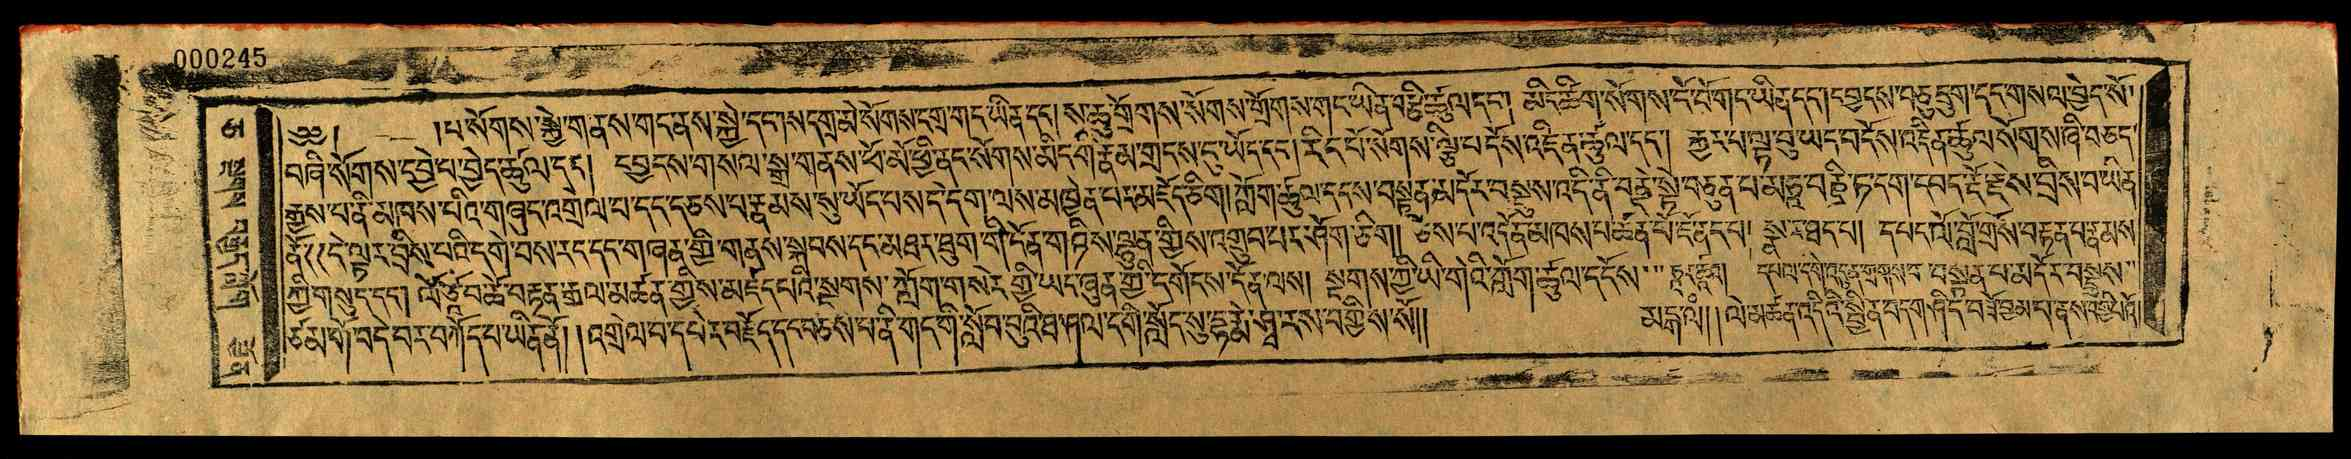༄༅། །པ་སོགས་སྐྱེ་གནས་གང་ནས་སྐྱེ་དང་། ས་ངག་མེ་སོགས་དགྲ་གང་ཡིན་དང་། ས་ཆུ་གྲོགས་སོགས་གྲོགས་གང་ཡིན་བརྩི་ཚུལ་དང་། མིང་ཚིག་སོགས་ངོ་བོ་གང་ཡིན་དང་། དབྱངས་བཅུ་དྲུག་ངང་གསལ་བྱེད་སོ་
བཞི་སོགས་དབྱེབ་བ་བྱེད་ཚུལ་དང་། དབྱངས་གསལ་སྒྲ་གནས་ཕོ་མོ་ཕྱིན་ནང་སོགས་མིང་གི་རྣམ་གྲངས་དུ་ཡོད་དང་། རིང་པོ་སོགས་ལྕ་བ་ངོས་འཛིན་ཚལ་དང་། རྐྱང་པ་ལྟ་བུ་ཡང་བ་ངོས་འཛིན་ཚུལ་སོགས་ཞིབ་ཅད་
རྒྱས་པ་ནི་མཁས་པའི་གཞུང་འགྲེལ་པ་དང་བཅས་པ་རྣམས་སུ་ཡོད་པས་དེ་དག་ལས་མཁྱེན་པར་མཛོད་ཅིག། ཀློག་ཚུལ་དངོས་བསྟན་མདོར་བསྡུས་འདི་ནི་བནྡེ་སྟེ་བཙུན་པ་མ་ཧཱ་པཎྜི་ཏ་ངག་དབང་རྡོ་རྗེས་བྲིས་པ་ཡིན་
ནི༑ ༑དེ་ལྟར་བྲིས་པའི་དགེ་བས་རང་དང་གཞན་གྱི་གནས་སྐབས་དང་མཐར་ཐུག་གི་དོན་གཉིས་ལྷུན་གྱིས་འགྲུབ་པར་ཤོག་ཅིག། ཅེས་པ་འདི་ནི་མཁས་པ་ཆེན་པོ་ཇོ་ནང་པ། སྣང་ཐང་པ། དབང་པོ་བློ་གྲོས་བརྟན་པ་རྣམས་
ཀྱི་གསུང་དང་། ལོ་ཙཱ་བ་ཚེ་བརྟན་རྒྱལ་མཚན་གྱིས་མཛད་པའི་སྔགས་ཀློག་གསེར་གྱི་ཡང་ཞུན་གྱྀ་དགོངས་དོན་ལས། སྔགས་ཀྱི་ཡི་གེའི་ཀློག་ཚུལ་དངོས། ཏཱ་ར་ནཱ་ཐ། དཔལ་དགེ་འདུན་གྲགས་པ།  བསྟན་པ་མདོར་བསྡུས་
ཙམ་གོ་བདེ་བར་བཀོད་པ་ཡིན་ནོ། །འགྲེལ་པ་དཔེར་བརྗོད་དང་བཅས་པ་ནི་གང་གི་སློབ་བུའི་ཐ་ཤལ་དགེ་སློང་སུ་དྷརྨེ་ཤྭ་རས་བགྱིས་སོ།། མངྒ་ལཾ།། །།